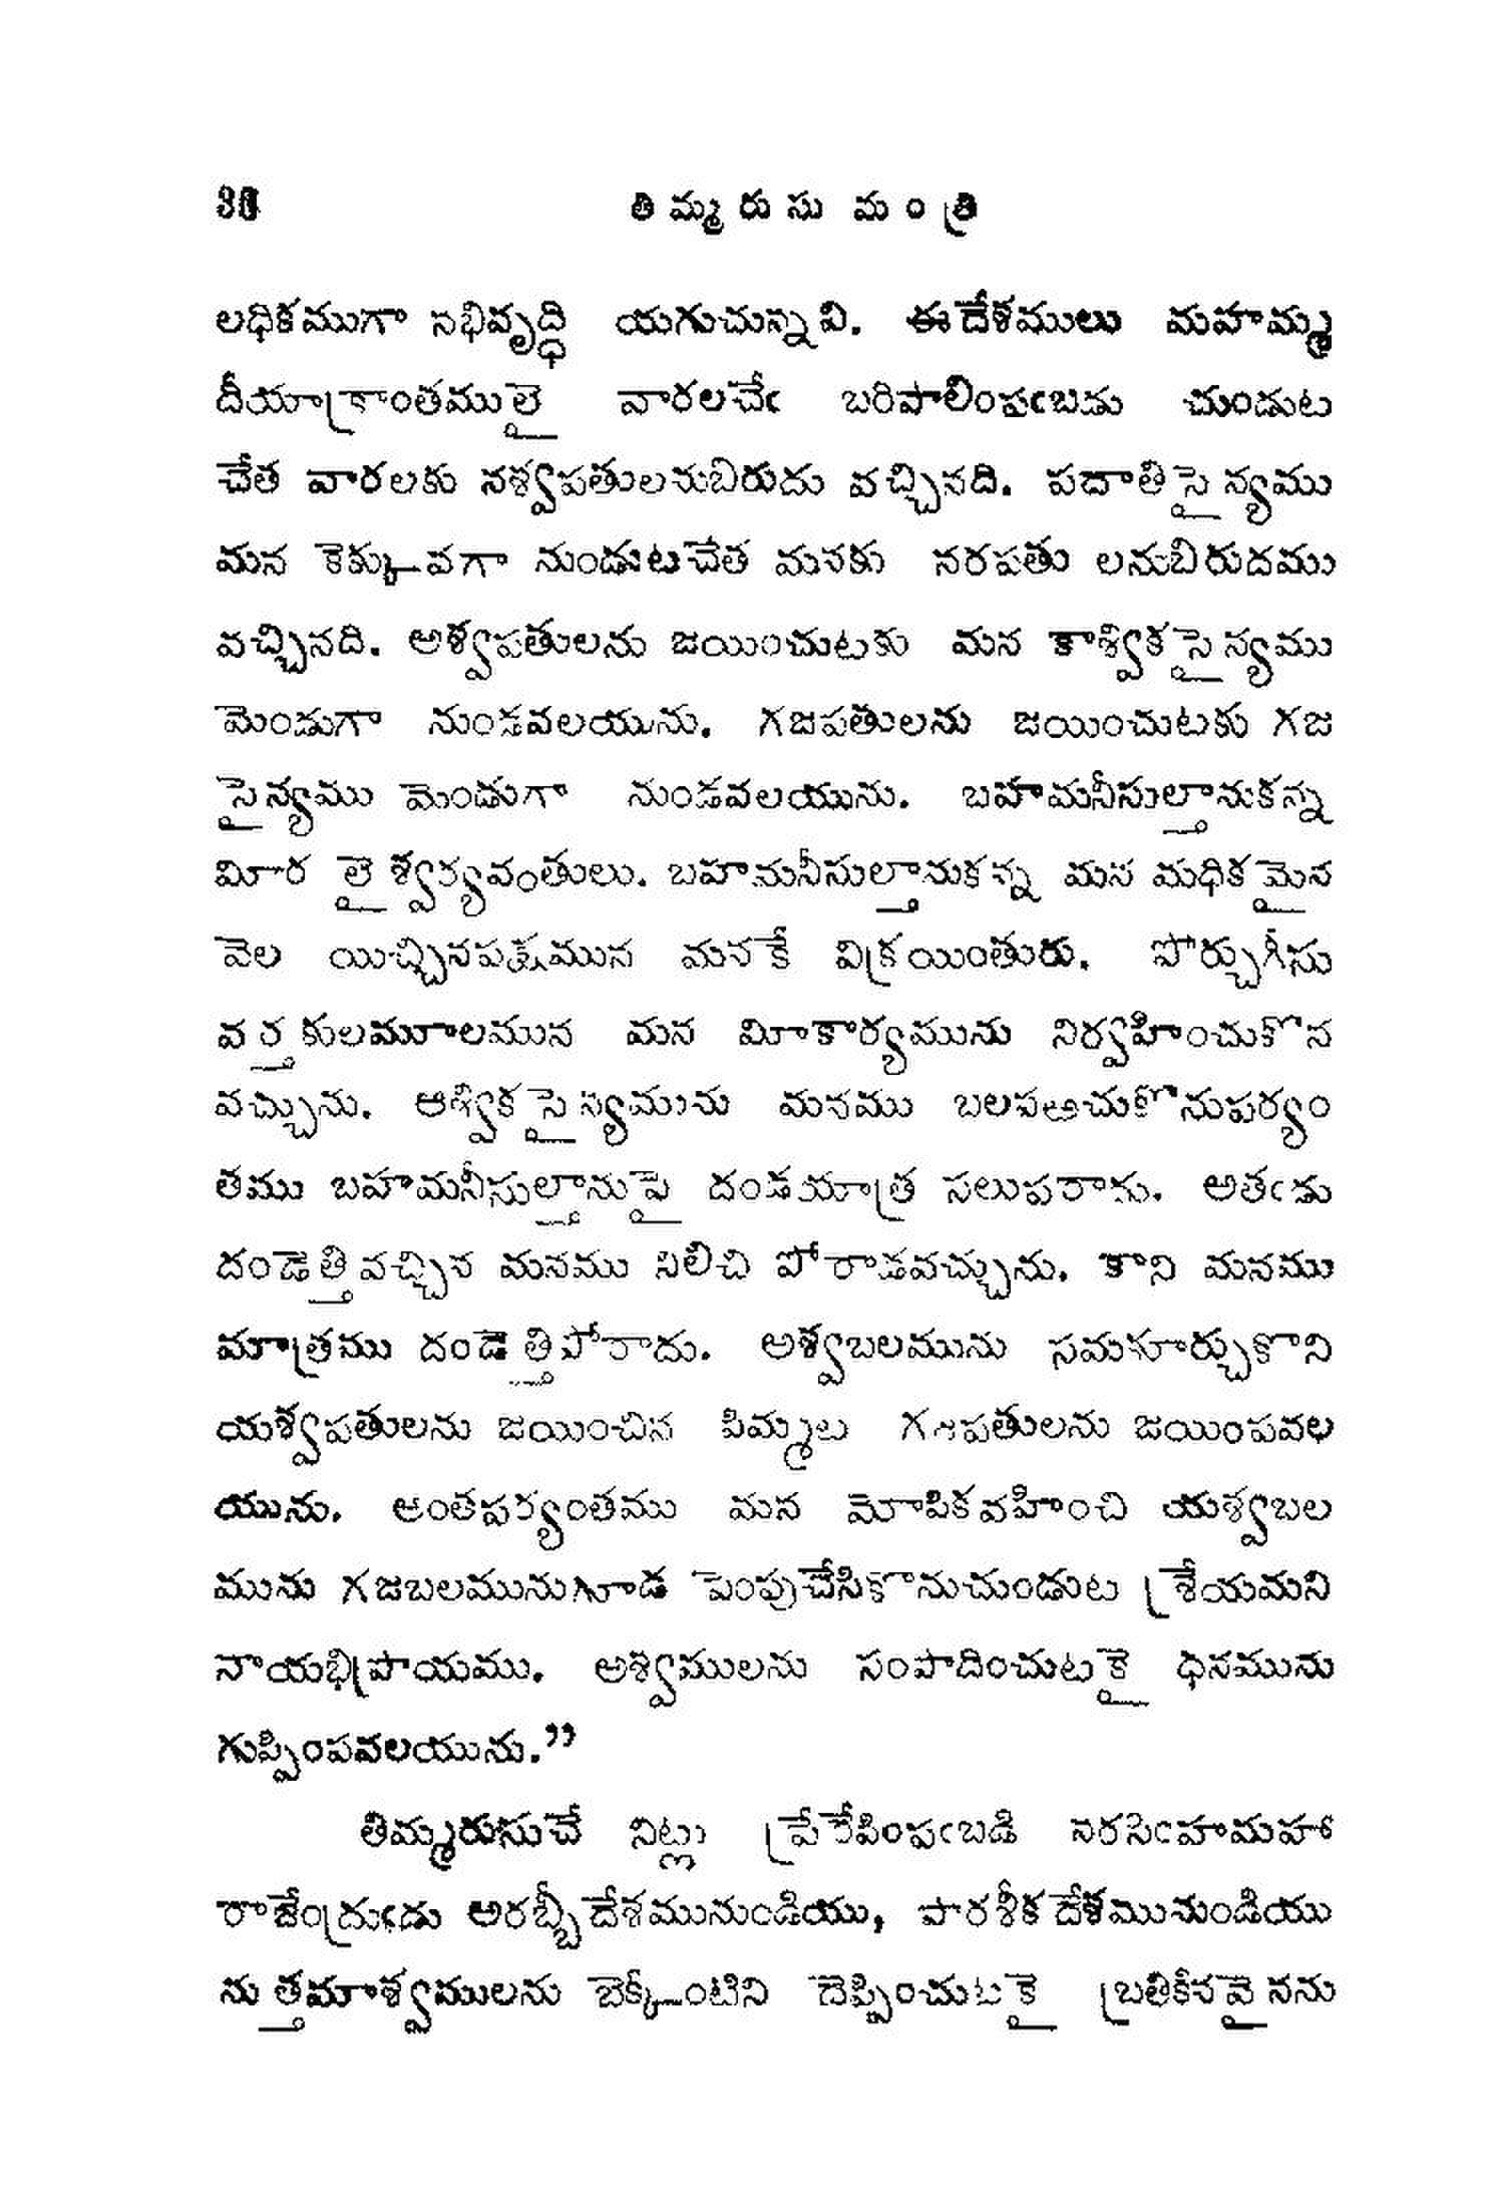లధికముగా నభివృద్ధి యగుచున్నవి. ఈదేశములు మహమ్మదీయాక్రాంతములై వారలచేఁ బరిపాలింపఁబడు చుండుటచేత వారలకు నశ్వపతులనుబిరుదు వచ్చినది. పదాతిసైన్యము మన కెక్కువగా నుండుటచేత మనకు నరపతు లనుబిరుదము వచ్చినది. అశ్వపతులను జయించుటకు మన కాశ్వికసైన్యము మెండుగా నుండవలయును. గజపతులను జయించుటకు గజ సైన్యము మెండుగా నుండవలయును. బహమనీసుల్తానుకన్న మీర లైశ్వర్యవంతులు. బహమనీసుల్తానుకన్న మన మధికమైన వెల యిచ్చినపక్షమున మనకే విక్రయింతురు. పోర్చుగీసు వర్తకులమూలమున మన మీకార్యమును నిర్వహించుకొనవచ్చును. అశ్వికసైన్యమును మనము బలపఱచుకొనుపర్యంతము బహమనీసుల్తానుపై దండయాత్ర సలుపరాదు. అతఁడు దండెత్తివచ్చిన మనము నిలిచి పోరాడవచ్చును. కాని మనము మాత్రము దండెత్తిపోరాదు. అశ్వబలమును సమకూర్చుకొని యశ్వపతులను జయించిన పిమ్మట గజపతులను జయింపవలయును. అంతపర్యంతము మన మోపికవహించి యశ్వబలమును గజబలమునుగూడ పెంపుచేసికొనుచుండుట శ్రేయమని నాయభిప్రాయము. అశ్వములను సంపాదించుటకై ధనమును గుప్పింపవలయును.”

తిమ్మరుసుచే నిట్లు ప్రేరేపింపఁబడి నరసింహమహా రాజేంద్రుఁడు అరబ్బీదేశమునుండియు, పారశీకదేశమునుండియు నుత్తమాశ్వములను బెక్కింటిని దెప్పించుటకై బ్రతికినవైనను